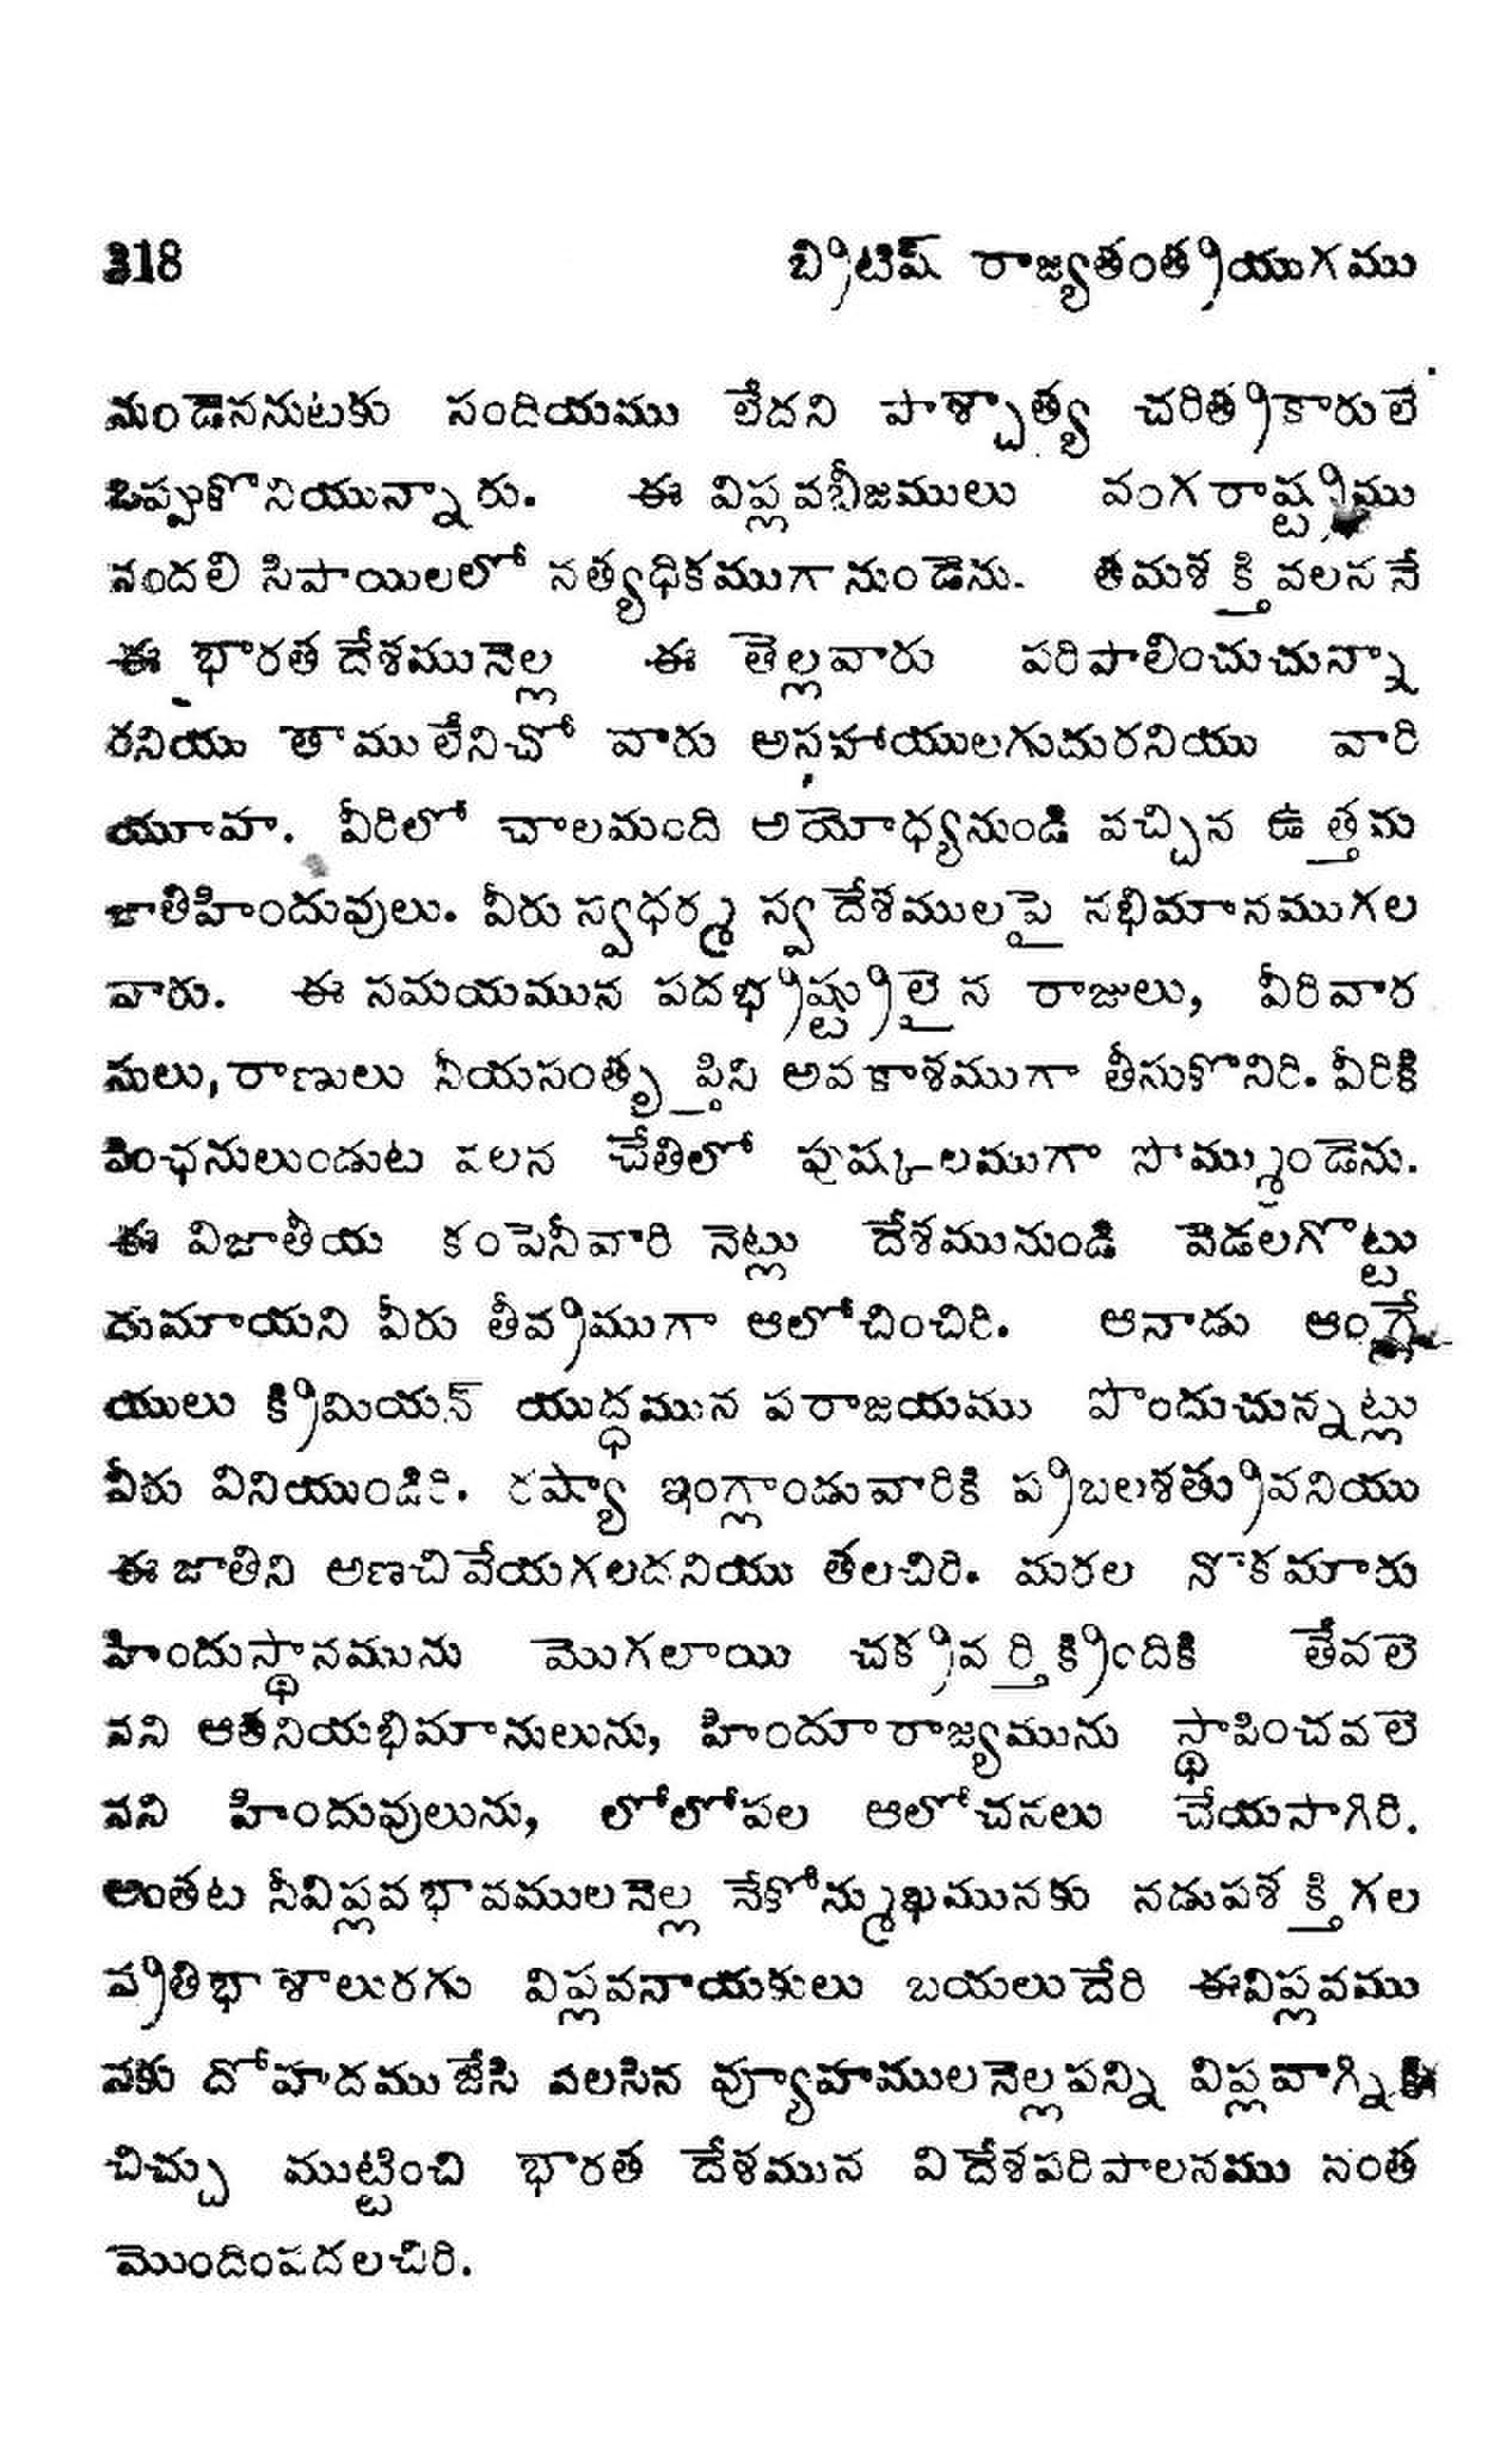నుండెననుటకు సందియము లేదని పాశ్చాత్య చరిత్రకారులే ఒప్పుకొనియున్నారు. ఈ విప్లవబీజములు వంగరాష్ట్రము నందలి సిపాయిలలో నత్యధికముగా నుండెను. తమశక్తివలననే ఈ భారత దేశమునెల్ల ఈ తెల్లవారు పరిపాలించుచున్నా రనియు తాములేనిచో వారు అసహాయులగుదురనియు వారి యూహ. వీరిలో చాలమంది అయోధ్యనుండి వచ్చిన ఉత్తమ జాతిహిందువులు. వీరు స్వధర్మ స్వదేశములపై సభిమానముగలవారు. ఈ సమయమున పదభ్రష్టులైన రాజులు, వీరివారసులు, రాణులు నీయసంతృప్తిని అవకాశముగా తీసుకొనిరి. వీరికి పింఛనులుండుట వలన చేతిలో పుష్కలముగా సొమ్ముండెను. ఈ విజాతీయ కంపెనీవారి నెట్లు దేశమునుండి వెడలగొట్టుదుమాయని వీరు తీవ్రముగా ఆలోచించిరి. ఆనాడు ఆంగ్లేయులు క్రిమియన్ యుద్ధమున పరాజయము పొందుచున్నట్లు వీరు వినియుండిరి. రష్యా ఇంగ్లాండువారికి ప్రబలశత్రువనియు ఈ జాతిని అణచి వేయగలదనియు తలచిరి. మరల నొకమారు హిందుస్థానమును మొగలాయి చక్రవర్తిక్రిందికి తేవలెనని ఆతనియభిమానులును, హిందూరాజ్యమును స్థాపించవలెనని హిందువులును, లోలోపల ఆలోచనలు చేయసాగిరి. అంతట నీవిప్లవభావములనెల్ల నేకోన్ముఖమునకు నడుపశక్తిగల ప్రతిభాశాలురగు విప్లవనాయకులు బయలుదేరి ఈవిప్లవమునకు దోహదముజేసి వలసిన వ్యూహములనెల్లపన్ని విప్లవాగ్నికి చిచ్చు ముట్టించి భారతదేశమున విదేశపరిపాలనము నంత మొందింపదలచిరి.